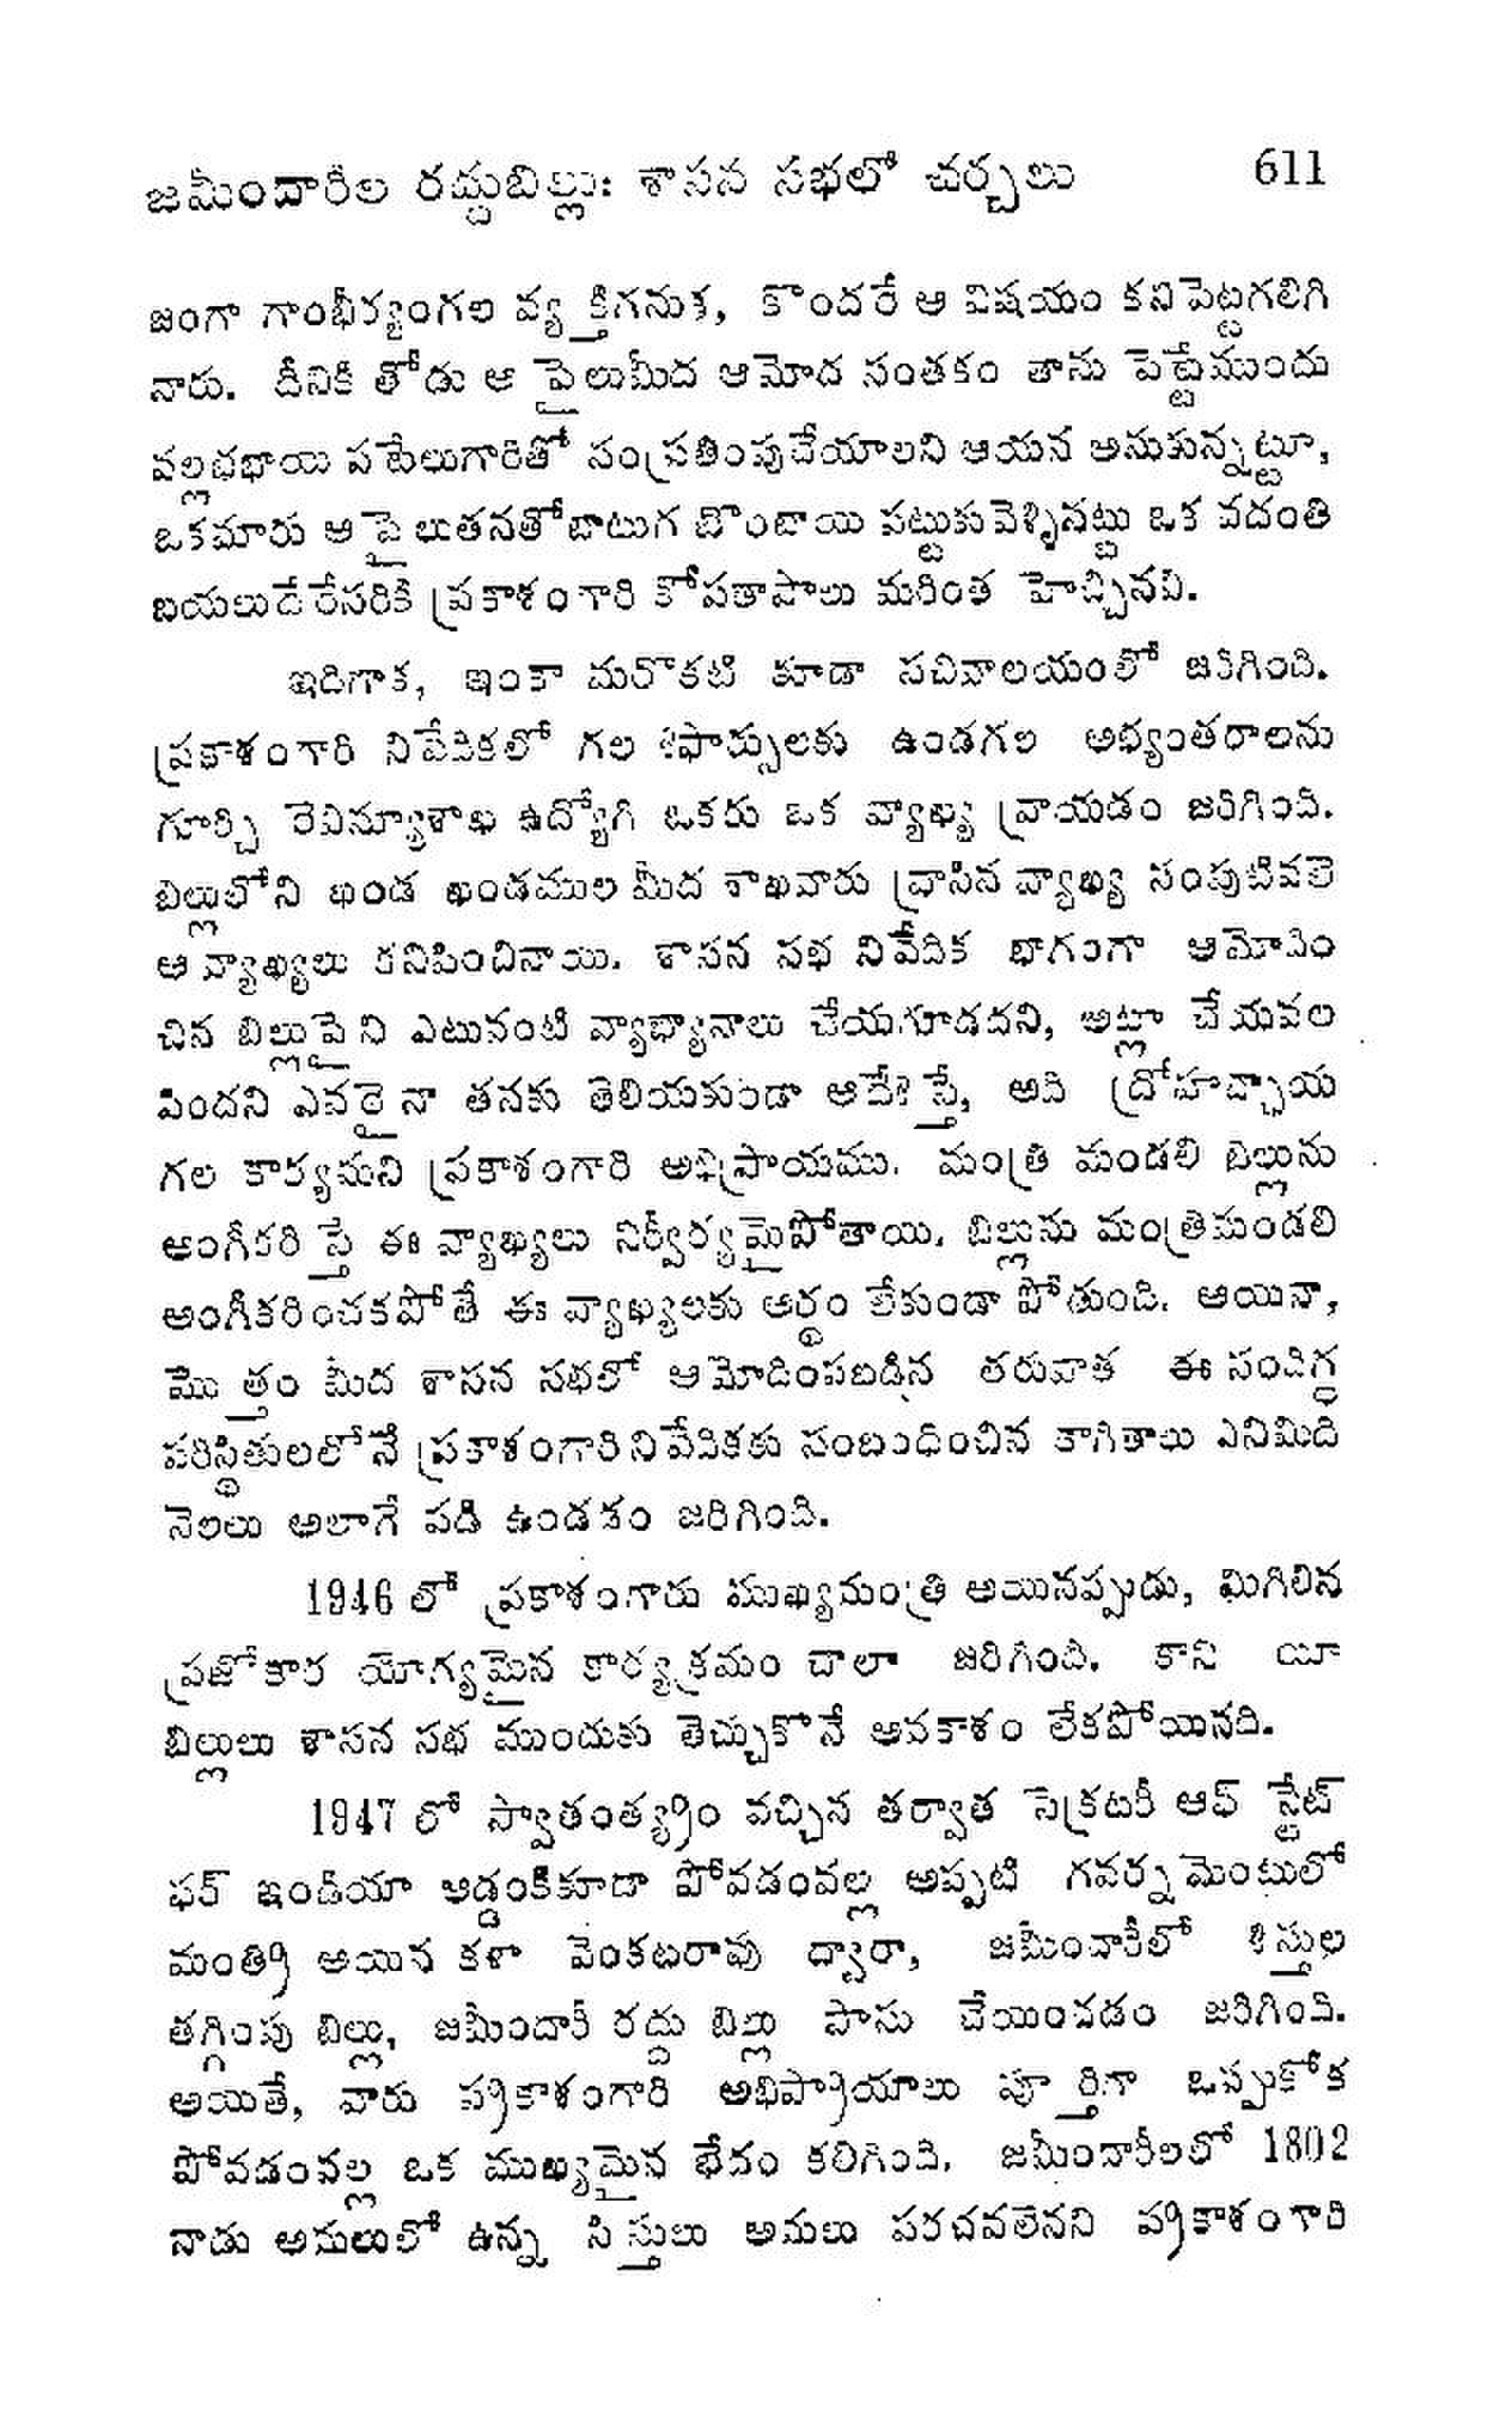జంగా గాంభీర్యంగల వ్యక్తిగనుక, కొందరే ఆ విషయం కనిపెట్టగలిగినారు. దీనికి తోడు ఆ ఫైలు మీద ఆమోద సంతకం తాను పెట్టేముందు వల్లభభాయి పటేలుగారితో సంప్రతింపు చేయాలని ఆయన అనుకున్నట్టూ, ఒకమారు ఆ ఫైలుతనతోబాటుగ బొంబాయి పట్టుకువెళ్ళినట్టు ఒక వదంతి బయలుదేరేసరికి ప్రకాశంగారి కోపతాపాలు మరింత హెచ్చినవి.

ఇదిగాక, ఇంకా మరొకటి కూడా సచివాలయంలో జరిగింది. ప్రకాశంగారి నివేదికలో గల శిఫార్సులకు ఉండగల అభ్యంతరాలను గూర్చి రెవిన్యూశాఖ ఉద్యోగి ఒకరు ఒక వ్యాఖ్య వ్రాయడం జరిగింది. బిల్లులోని ఖండ ఖండముల మీద శాఖవారు వ్రాసిన వ్యాఖ్య సంపుటివలె ఆ వ్యాఖ్యలు కనిపించినాయి. శాసన సభ నివేదిక భాగంగా ఆమోదించిన బిల్లుపైని ఎటువంటి వ్యాఖ్యానాలు చేయగూడదని, అట్లా చేయవలసిందని ఎవరైనా తనకు తెలియకుండా ఆదేశిస్తే, అది ద్రోహచ్చాయగల కార్యమని ప్రకాశంగారి అభిప్రాయము. మంత్రి మండలి బిల్లును అంగీకరిస్తే ఈ వ్యాఖ్యలు నిర్వీర్యమైపోతాయి. బిల్లును మంత్రిమండలి అంగీకరించకపోతే ఈ వ్యాఖ్యలకు అర్థం లేకుండా పోతుంది. అయినా, మొత్తం మీద శాసన సభలో ఆమోదింపబడిన తరువాత ఈ సందిగ్ధ పరిస్థితులలోనే ప్రకాశంగారినివేదికకు సంబంధించిన కాగితాలు ఎనిమిది నెలలు అలాగే పడి ఉండడం జరిగింది.

1946 లో ప్రకాశంగారు ముఖ్యమంత్రి అయినప్పుడు, మిగిలిన ప్రజోకార యోగ్యమైన కార్యక్రమం చాలా జరిగింది. కాని యీ బిల్లులు శాసన సభ ముందుకు తెచ్చుకొనే అవకాశం లేకపోయినది.

1947 లో స్వాతంత్ర్యం వచ్చిన తర్వాత సెక్రటరీ ఆఫ్ స్టేట్ ఫర్ ఇండియా అడ్డంకికూడా పోవడంవల్ల అప్పటి గవర్నమెంటులో మంత్రి అయిన కళా వెంకటరావు ద్వారా, జమీందారీలో శిస్తుల తగ్గింపు బిల్లు, జమీందారీ రద్దు బిల్లు పాసు చేయించడం జరిగింది. అయితే, వారు ప్రకాశంగారి అభిప్రాయాలు పూర్తిగా ఒప్పుకోక పోవడంవల్ల ఒక ముఖ్యమైన భేదం కలిగింది. జమీందారీలలో 1802 నాడు అమలులో ఉన్న సిస్తులు అమలు పరచవలెనని ప్రకాశంగారి